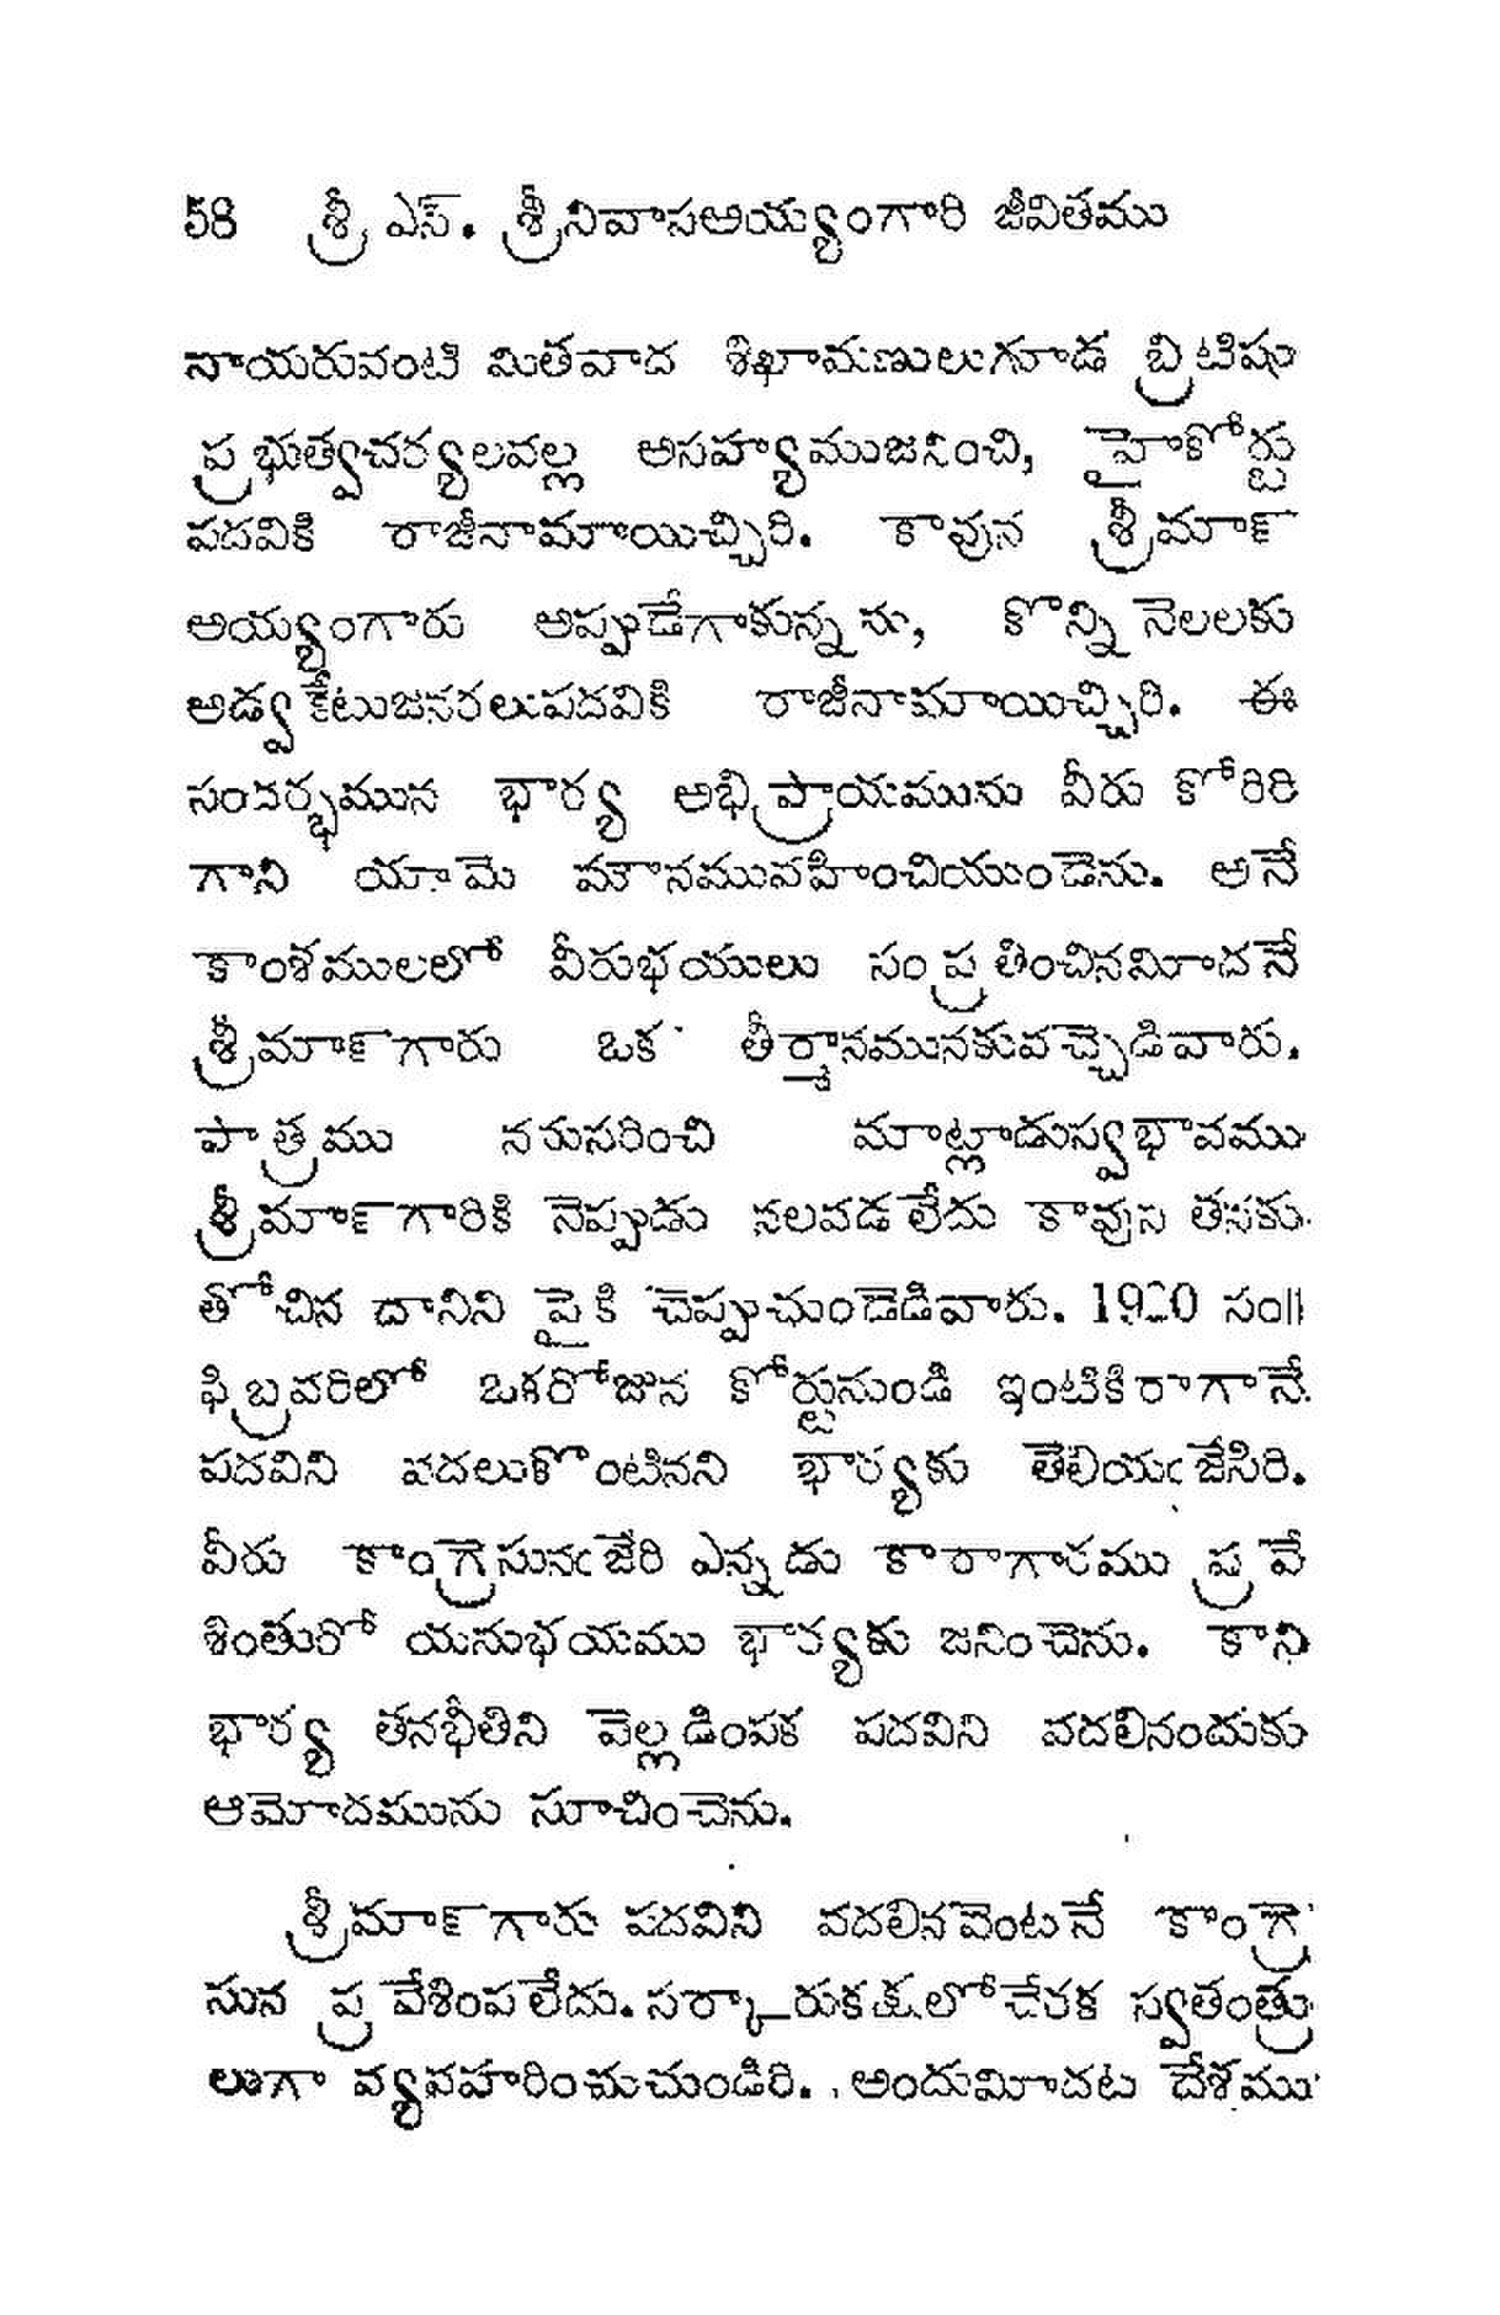నాయరువంటి మితవాద శిఖామణులుగూడ బ్రిటిషు ప్రభుత్వచర్యలవల్ల అసహ్యముజనించి, హైకోర్టు పదవికి రాజీనామాయిచ్చిరి. కావున శ్రీమా౯ అయ్యంగారు. అప్పుడేగాకున్నను, కొన్నినెలలకు అడ్వకేటుజనరలుపదవికి రాజీనామాయిచ్చిరి. ఈ సందర్భమున భార్య అభిప్రాయమును వీరు కోరిరి గాని యామె మౌనమువహించి యుండెను. అనేకాంశములలో వీరుభయులు సంప్రతించినమీదనే శ్రీమా౯గారు ఒక తీర్మానమునకువచ్చెడివారు. పాత్రము ననుసరించి మాట్లాడుస్వభావము శ్రీమా౯గారికి నెప్పుడు నలవడలేదు కావున తనకుతోచిన దానిని పైకి చెప్పుచుండెడివారు. 1920 సం|| ఫిబ్రవరిలో ఒకరోజున కోర్టునుండి ఇంటికి రాగానే పదవిని వదలుకొంటినని భార్యకు తెలియఁజేసిరి. వీరు కాంగ్రెసునఁజేరి ఎన్నడు కారాగారము ప్రవేశింతురో యనుభయము భార్యకు జనించెను. కాని భార్య తనభీతిని వెల్లడింపక పదవిని వదలినందుకు ఆమోదమును సూచించెను.

శ్రీమా౯గారు పదవిని వదలినవెంటనే కాంగ్రెసున ప్రవేశింపలేదు. సర్కారుకక్షలోచేరక స్వతంత్రులుగా వ్యవహరించుచుండిరి. అందుమీదట దేశము